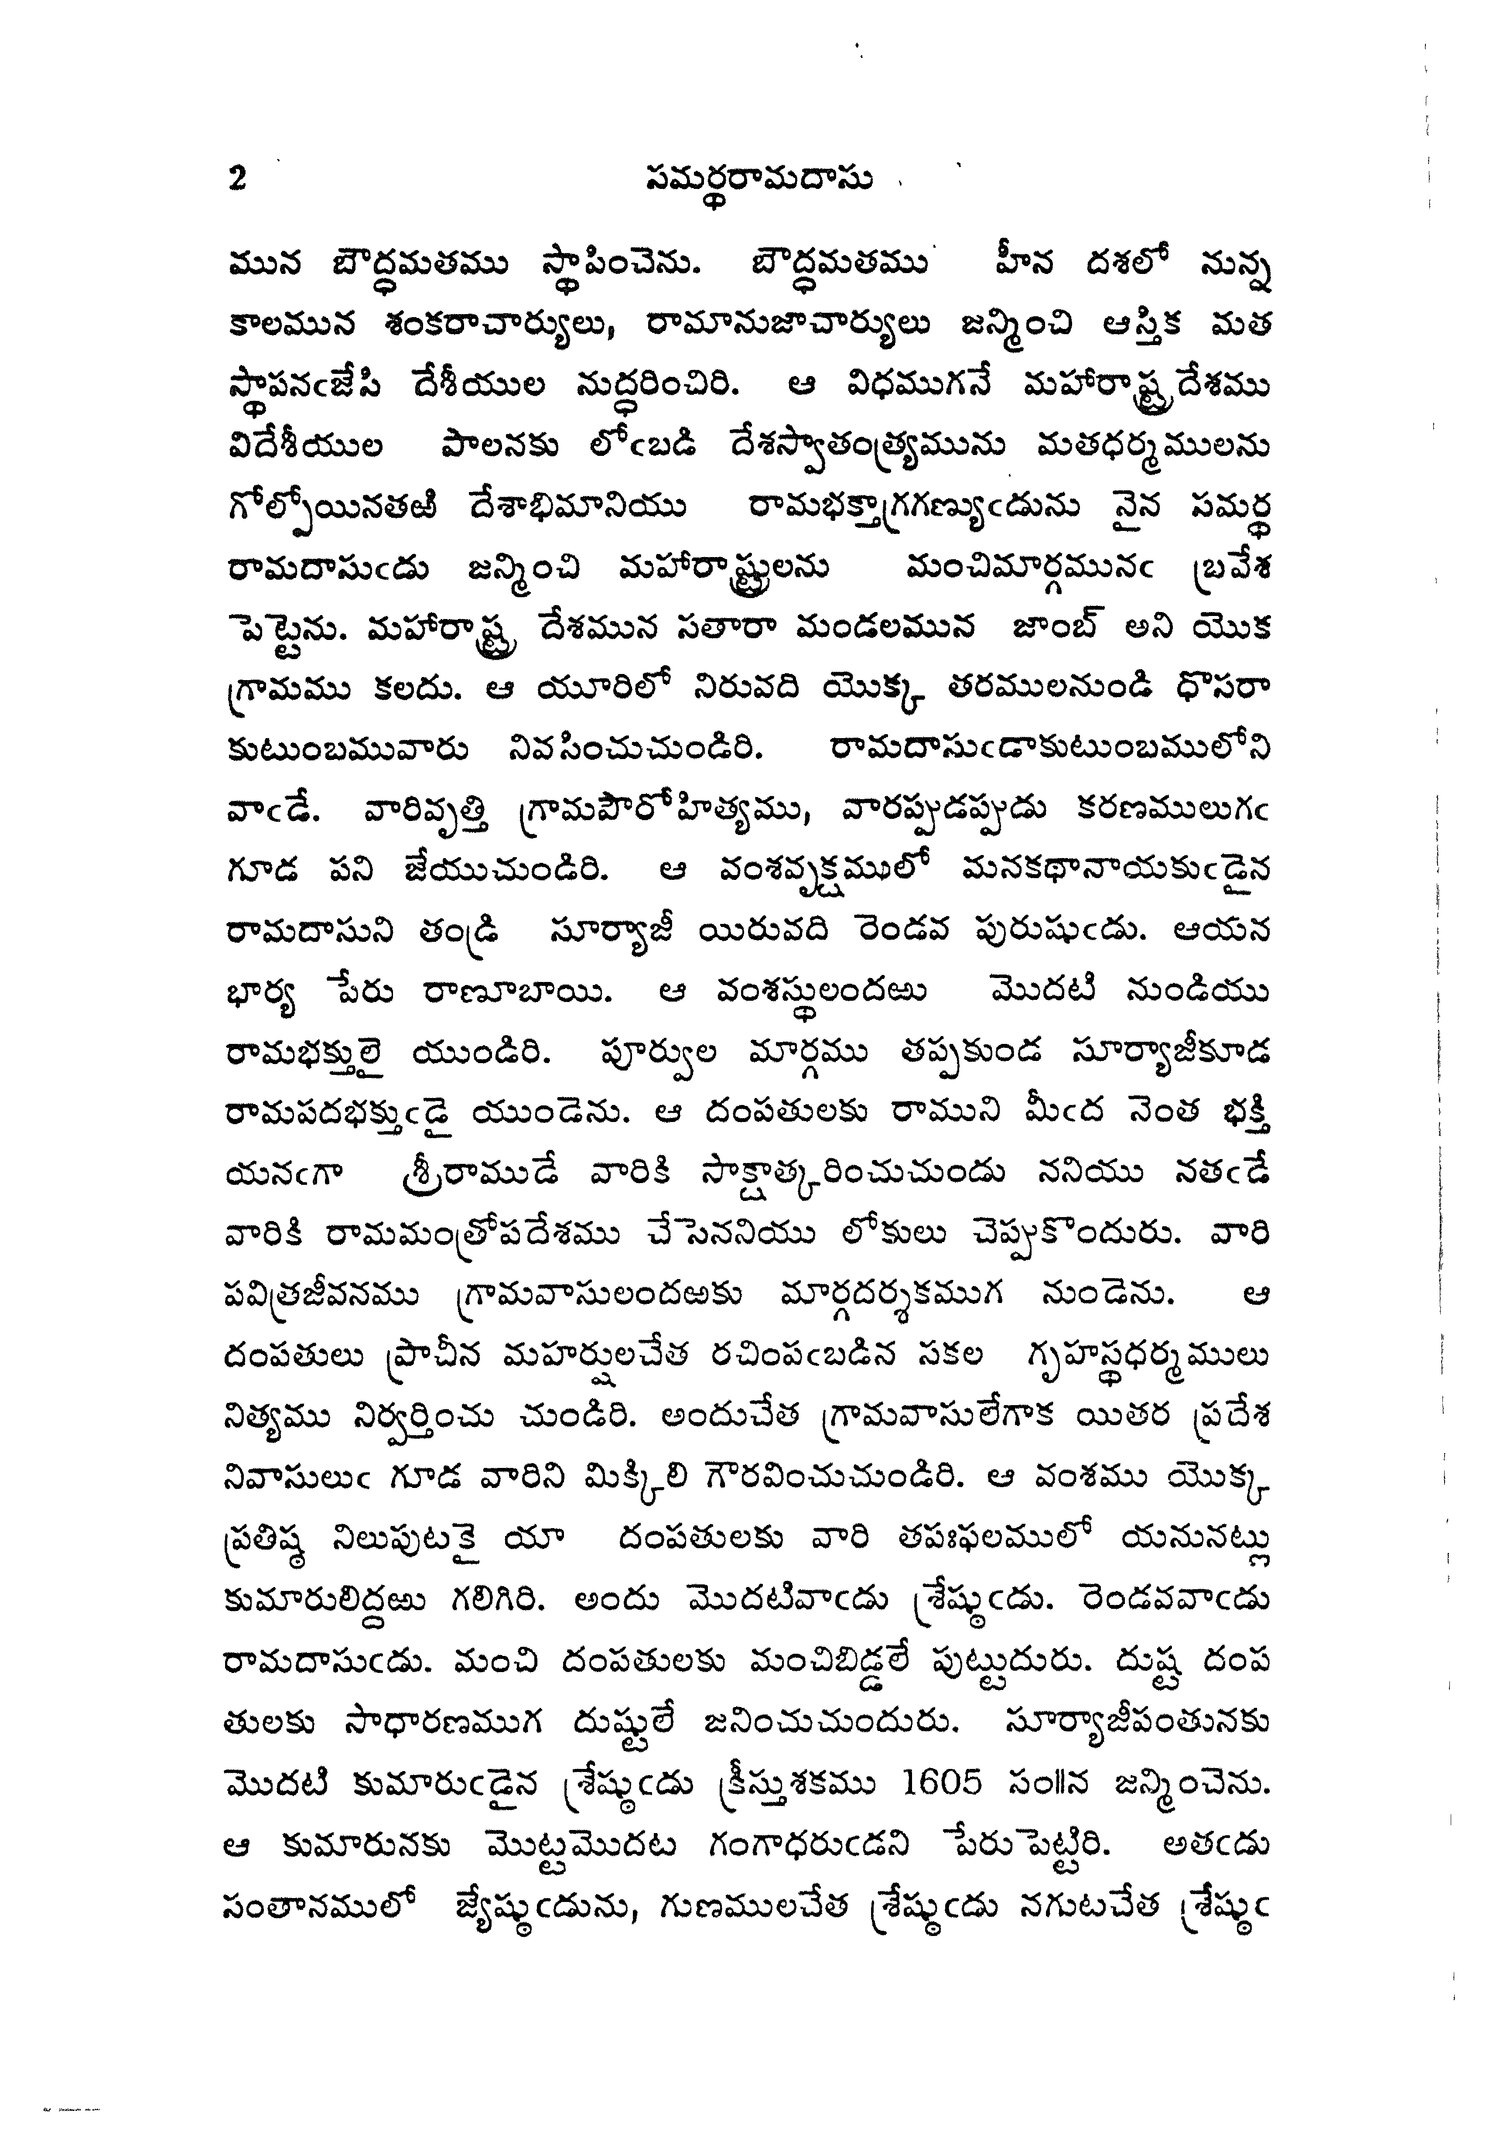మున బౌద్ధమతము స్థాపించెను. బౌద్దమతము హీన దశలో నున్నకాలమున శంకరాచార్యులు, రామానుజాచార్యులు జన్మించి ఆస్తిక మతస్థాపనజేసి దేశీయుల నుద్ధరించిరి. ఆ విధముగనే మహారాష్ట్రదేశము విదేశీయుల పాలనకు లోబడి దేశస్వాతంత్ర్యమును మతధర్మములను గోల్పోయినతఱి దేశాభిమానియు రామభక్తాగ్రగణ్యుడును నైన సమర్థ రామదాసుడు జన్మించి మహారాష్ట్రులను మంచిమార్గమున బ్రవేశపెట్టెను. మహారాష్ట్ర దేశమున సతారా మండలమున జాంబ్ అని యొక గ్రామము కలదు. ఆ యూరిలో నిరువది యొక్క తరములనుండి ధొసరా కుటుంబమువారు నివసించుచుండిరి. రామదాసు డాకుటుంబములోని వాడే. వారివృత్తి గ్రామపౌరోహిత్యము, వారప్పుడప్పుడు కరణములుగ గూడ పని జేయుచుండిరి. ఆ వంశవృక్షములో మనకథానయకుడైన రామదాసుని తండ్రి సూర్యాజీ యిరువది రెండవ పురుషుడు. ఆయన భార్య పేరు రాణూబాయి. ఆ వంశస్థులందఱు మొదటి నుండియు రామభక్తులై యుండిరి. పూర్వుల మార్గము తప్పకుండ సూర్యాజీకూడ రామపదభక్తుడై యుండెను. ఆ దంపతులకు రాముని మీద నెంత భక్తి యనగా శ్రీరాముడే వారికి సాక్షాత్కరించుచుండు ననియు నతడే వారికి రామమంత్రోపదేశము చేసెననియు లోకులు చెప్పుకొందురు. వారి పవిత్రజీవనము గ్రామవాసులందఱకు మార్గదర్శకముగ నుండెను. ఆ దంపతులు ప్రాచీన మహర్షులచేత రచింపబడిన సకల గృహస్థధర్మములు నిత్యము నిర్వర్తించు చుండిరి. అందుచేత గ్రామవాసులేగాక యితర ప్రదేశ నివాసులు గూడ వారిని మిక్కిలి గౌరవించుచుండిరి. ఆ వంశము యొక్క ప్రతిష్ఠ నిలుపుటకై యా దంపతులకు వారి తప:ఫలములో యనునట్లు కుమారులిద్దఱు గలిగిరి. అందు మొదటివాడు శ్రేష్ఠుడు. రెండవవాడు రామదాసుడు. మంచి దంపతులకు మంచిబిడ్డలే పుట్టుదురు. దుష్ట దంపతులకు సాధారణముగ దుష్టులే జనించుచుందురు. సూర్యాజీవంతునకు మొదటికుమారుడైన శ్రేష్ఠుడు క్రీస్తుశకము 1605 సం||న జన్మించెను. ఆ కుమారునకు మొట్టమొదట గంగాధరుడని పేరు పెట్టిరి. అతడు సంతానములో జ్యేష్ఠుడును, గుణములచేత శ్రేష్ఠుడు నగుటచేత శ్రేష్ఠు